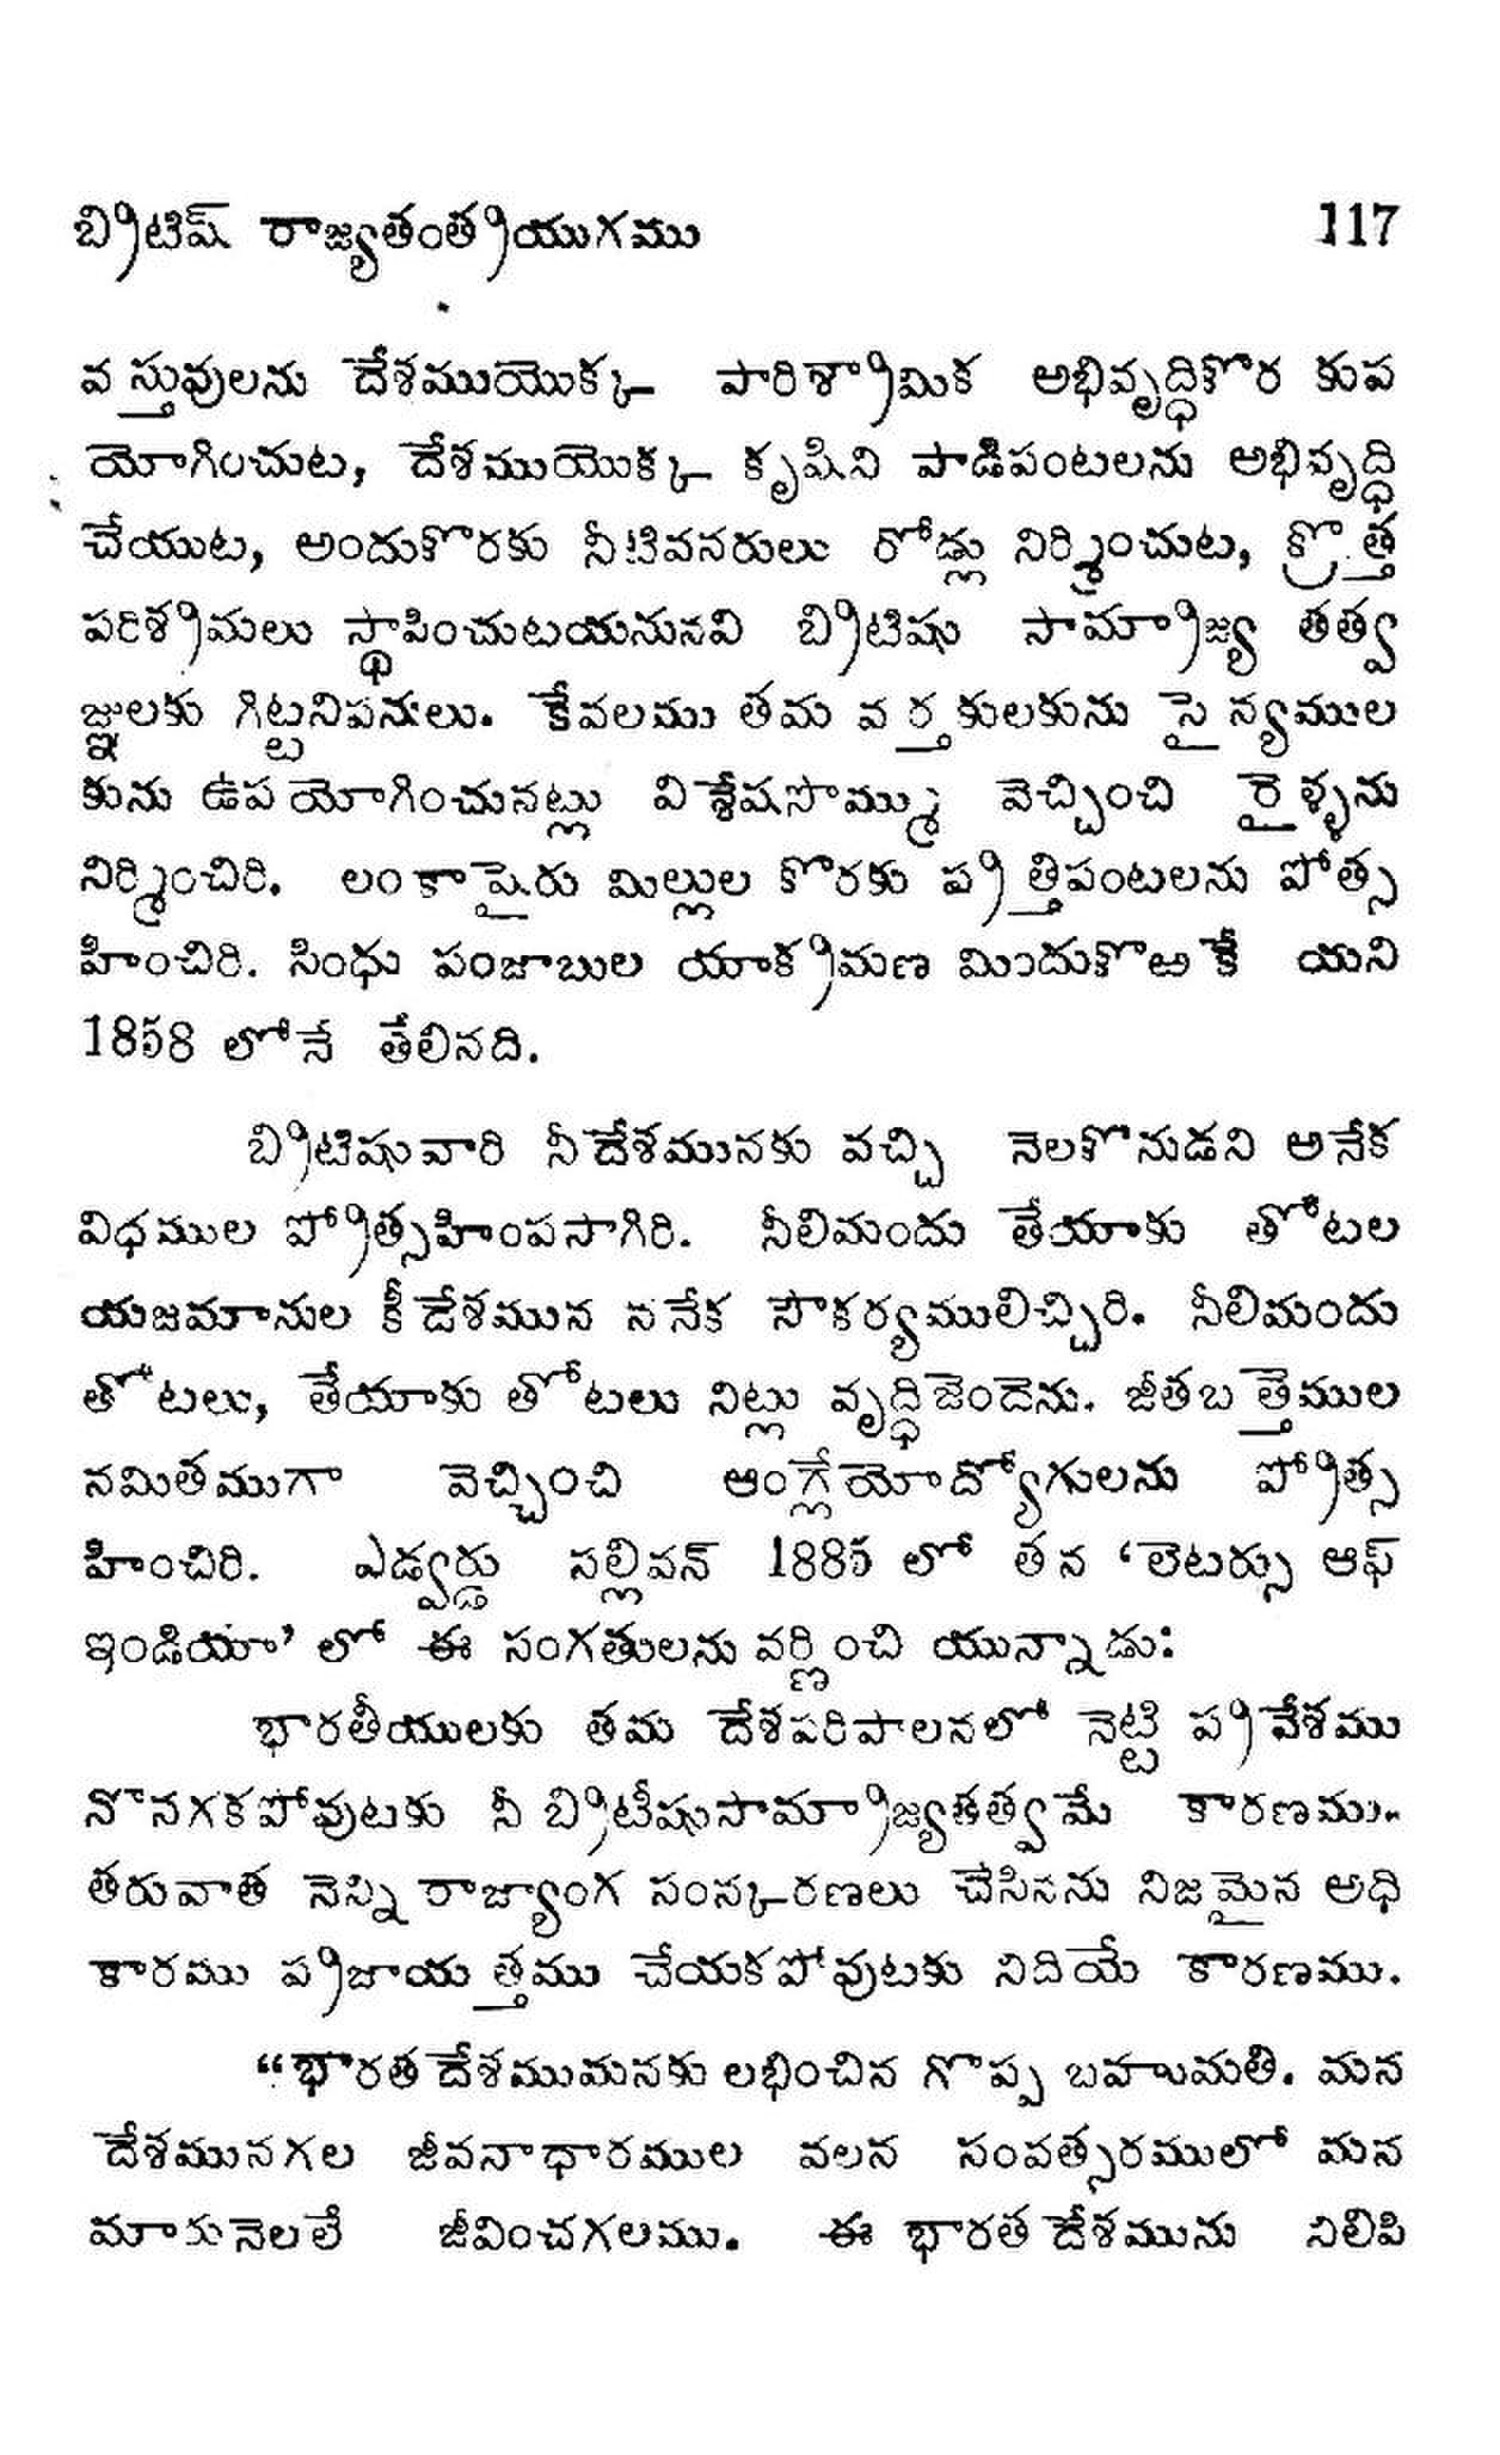వస్తువులను దేశముయొక్క పారిశ్రామిక అభివృద్దికొర కుపయోగించుట, దేశముయొక్క కృషిని పాడిపంటలను అభివృద్ధిచేయుట, అందుకొరకు నీటివనరులు రోడ్లు నిర్మించుట, క్రొత్తపరిశ్రమలు స్థాపించుటయనునవి బ్రిటిషు సామ్రాజ్య తత్వజ్ఞులకు గిట్టనిపనులు. కేవలము తమ వర్తకులకును సైన్యములకును ఉపయోగించునట్లు విశేషసొమ్ము వెచ్చించి రైళ్ళను నిర్మించిరి. లంకాషైరు మిల్లుల కొరకు ప్రత్తిపంటలను పోత్సహించిరి. సింధు పంజాబుల యాక్రమణ మిందుకొఱకే యని 1858 లోనే తేలినది.

బ్రిటిషువారి నీదేశమునకు వచ్చి నెలకొనుడని అనేకవిధముల ప్రోత్సహింపసాగిరి. నీలిమందు తేయాకు తోటల యజమానుల కీదేశమున ననేక సౌకర్యములిచ్చిరి. నీలిమందు తోటలు, తేయాకు తోటలు నిట్లు వృద్ధిజెందెను. జీతబత్తెముల నమితముగా వెచ్చించి ఆంగ్లేయోద్యోగులను ప్రోత్సహించిరి. ఎడ్వర్డు సల్లివన్ 1885 లో తన ' లెటర్సు ఆఫ్ ఇండియా' లో ఈ సంగతులను వర్ణించి యున్నాడు:

భారతీయులకు తమ దేశపరిపాలనలో నెట్టి ప్రవేశము నొసగకపోవుటకు నీ బ్రిటీషుసామ్రాజ్యతత్వమే కారణము. తరువాత నెన్ని రాజ్యాంగ సంస్కరణలు చేసినను నిజమైన అధికారము ప్రజాయత్తము చేయకపోవుటకు నిదియే కారణము,

"భారతదేశముమనకు లభించిన గొప్ప బహుమతి. మనదేశమునగల జీవనాధారముల వలన సంవత్సరములో మన మారునెలలే జీవించగలము. ఈ భారతదేశమును నిలిపి